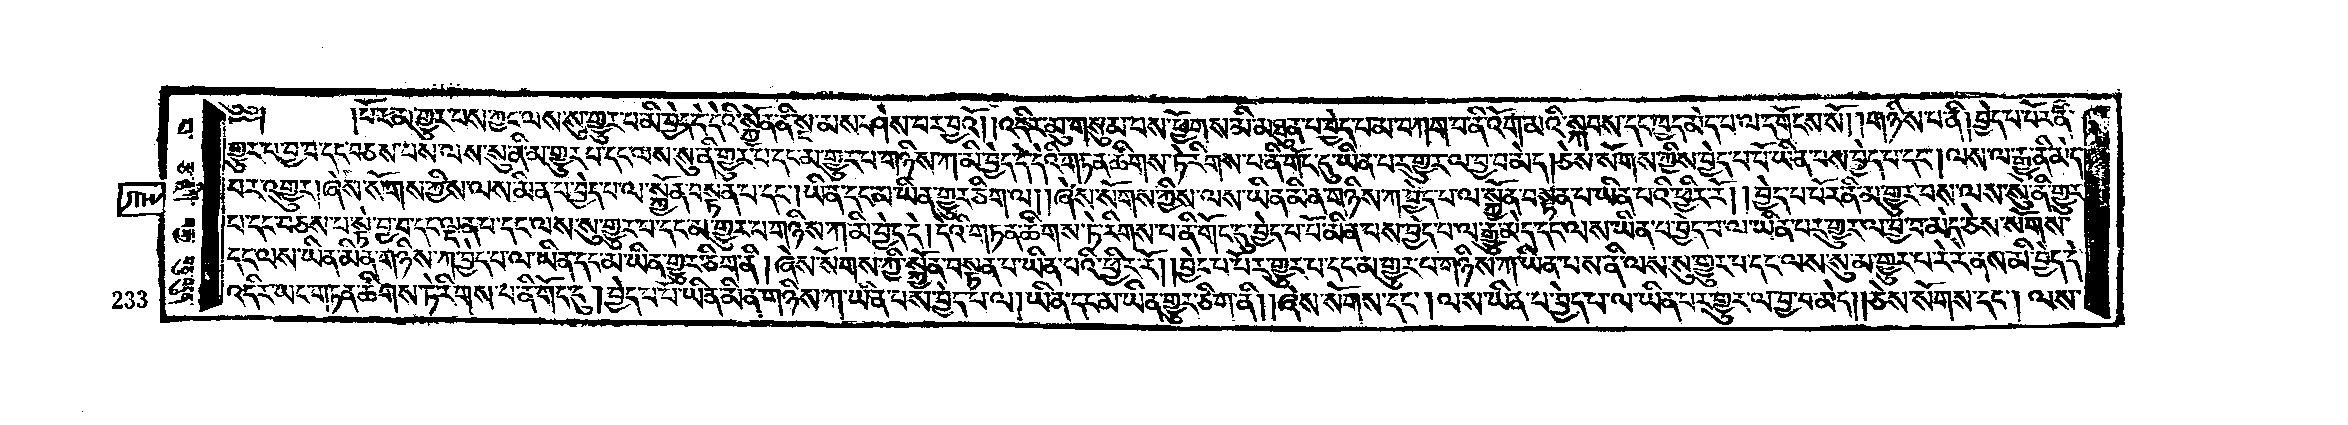༄༅། །པོར་མ་གྱུར་པས་ཀྱང་ལས་སུ་གྱུར་པ་མི་བྱེད་དེ་དེའི་སྐྱོན་ནི་སྔ་མས་ཤེས་པར་བྱའོ། །འདིར་མུ་གསུམ་པས་ཕྱོགས་མི་མཐུན་པ་བྱེད་པ་མ་བཀག་པ་ནི་འོག་མའི་སྐབས་དང་ཁྱད་མེད་པ་ལ་དགོངས་སོ། །གཉིས་པ་ནི། བྱེད་པ་པོར་ནི་
གྱུར་པ་བྱ་བ་དང་བཅས་པས་ལས་སུ་ནི་མ་གྱུར་པ་དང་ལས་སུ་ནི་གྱུར་པ་དང་མ་གྱུར་པ་གཉིས་ཀ་མི་བྱེད་དེ་དེའི་གཏན་ཚིགས་ཏེ་རིགས་པ་ནི་གོང་དུ་ཡིན་པར་གྱུར་ལ་བྱ་བ་མེད། ཅེས་སོགས་ཀྱིས་བྱེད་པ་པོ་ཡིན་པས་བྱེད་པ་དང་། ལས་ལ་རྒྱུ་ནི་མེད་
པར་འགྱུར། ཞེས་སོགས་ཀྱིས་ལས་མིན་པ་བྱེད་པ་ལ་སྐྱོན་བསྟན་པ་དང་། ཡིན་དང་མ་ཡིན་གྱུར་ཅིག་ལ། །ཞེས་སོགས་ཀྱིས་ལས་ཡིན་མིན་གཉིས་ཀ་བྱེད་པ་ལ་སྐྱོན་བསྟན་པ་ཡིན་པའི་ཕྱིར་རོ། །བྱེད་པ་པོར་ནི་མ་གྱུར་པས་ལས་སུ་ནི་གྱུར་
པ་དང་བཅས་པ་སྟེ་བྱ་བ་དང་ལྡན་པ་དང་ལས་སུ་གྱུར་པ་དང་མ་གྱུར་པ་གཉིས་ཀ་མི་བྱེད་དེ། །དེའི་གཏན་ཚིགས་ཏེ་རིགས་པ་ནི་གོང་དུ་བྱེད་པ་པོ་མིན་པས་བྱེད་པ་ལ་རྒྱུ་མེད་དང་ལས་ཡིན་པ་བྱེད་པ་ལ་ཡིན་པར་གྱུར་ལ་བྱ་བ་མེད་ཅེས་སོགས་
དང་ལས་ཡིན་མིན་གཉིས་ཀ་བྱེད་པ་ལ་ཡིན་དང་མ་ཡིན་གྱུར་ཅིག་ནི། ཞེས་སོགས་ཀྱི་སྐྱོན་བསྟན་པ་ཡིན་པའི་ཕྱིར་རོ། །བྱེད་པ་པོར་གྱུར་པ་དང་མ་གྱུར་པ་གཉིས་ཀ་ཡིན་པས་ནི་ལས་སུ་གྱུར་པ་དང་ལས་སུ་མ་གྱུར་པ་རེ་རེ་ནས་མི་བྱེད་དེ་
འདིར་ཡང་གཏན་ཚིགས་ཏེ་རིགས་པ་ནི་གོང་དུ། བྱེད་པ་པོ་ཡིན་མིན་གཉིས་ཀ་ཡིན་པས་བྱེད་པ་ལ། ཡིན་དང་མ་ཡིན་གྱུར་ཅིག་ནི། །ཞེས་སོགས་དང་། ལས་ཡིན་པ་བྱེད་པ་ལ་ཡིན་པར་གྱུར་ལ་བྱ་བ་མེད། །ཅེས་སོགས་དང་། ལས་